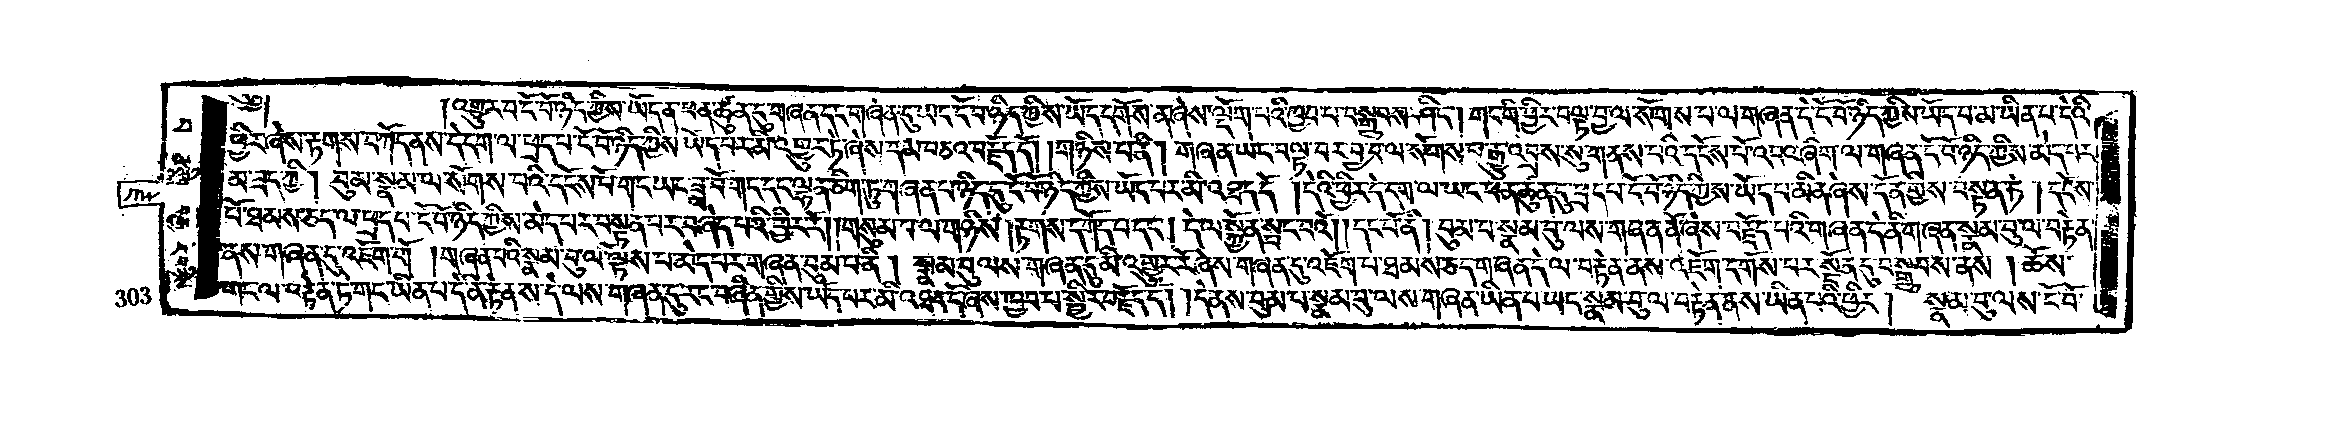༄༅། །འགྱུར་བ་ངོ་བོ་ཉིད་ཀྱིས་ཡོད་ན་ཕན་ཚུན་དུ་གཞན་དང་གཞན་དུ་ཡང་ངོ་བོ་ཉིད་ཀྱིས་ཡོད་དགོས་ན་ཞེས་ལྡོག་པའི་ཁྱབ་པ་བསྒྲུབས་ཤིང་། གང་གི་ཕྱིར་བལྟ་བྱ་ལ་སོགས་པ་ལ་གཞན་དེ་ངོ་བོ་ཉིད་ཀྱིས་ཡོད་པ་མ་ཡིན་པ་དེའི་
ཕྱིར་ཞེས་རྟགས་བཀོད་ནས་དེ་དག་ལ་ཕྲད་པ་ངོ་བོ་ཉིད་ཀྱིས་ཡོད་པར་མི་འགྱུར་ཏེ་ཞེས་དམ་བཅའ་བརྗོད་དོ། །གཉིས་པ་ནི། གཞན་ཡང་བལྟ་བར་བྱ་བ་ལ་སོགས་པ་རྒྱུ་འབྲས་སུ་གནས་པའི་དངོས་པོ་འབའ་ཞིག་ལ་གཞན་ངོ་བོ་ཉིད་ཀྱིས་མེད་པར་
མ་ཟད་ཀྱི། བུམ་སྣམ་ལ་སོགས་པའི་དངོས་པོ་གང་ཡང་ཟླ་བོ་གང་དང་ལྷན་ཅིག་ཏུ་གཞན་པ་ཉིད་དུ་ངོ་བོ་ཉིད་ཀྱིས་ཡོད་པར་མི་འཐད་དོ། དེའི་ཕྱིར་དེ་དག་ལ་ཡང་ཕན་ཚུན་དུ་ཕྲད་པ་ངོ་བོ་ཉིད་ཀྱིས་ཡོད་པ་མིན་ཞེས་དོན་གྱིས་བསྟན་ཏེ། དངོས་
པོ་ཐམས་ཅད་ལ་ཕྲད་པ་ངོ་བོ་ཉིད་ཀྱིས་མེད་པར་བསྟན་པར་བཞེད་པའི་ཕྱིར་རོ། །གསུམ་པ་ལ་གཉིས། རྟགས་དགོད་པ་དང་། དེ་ལ་སྐྱོན་སྤང་བའོ། །དང་པོ་ནི། བུམ་པ་སྣམ་བུ་ལས་གཞན་ནོ་ཞེས་བརྗོད་པའི་གཞན་དེ་ནི་གཞན་སྣམ་བུ་ལ་བརྟེན་
ནས་གཞན་དུ་འཇོག་གོ །གཞན་པའི་སྣམ་བུ་ལ་ལྟོས་པ་མེད་པར་གཞན་བུམ་པ་ནི། སྣམ་བུ་ལས་གཞན་དུ་མི་འགྱུར་རོ་ཞེས་གཞན་དུ་འཇོག་པ་ཐམས་ཅད་གཞན་དེ་ལ་བརྟེན་ནས་འཇོག་དགོས་པར་སྔོན་དུ་བསྒྲུབས་ནས། ཆོས་
གང་ལ་བརྟེན་ཏེ་གང་ཡིན་པ་དེ་ནི་རྟེན་ས་དེ་ལས་གཞན་དུ་རང་བཞིན་གྱིས་ཡོད་པར་མི་འཐད་དོ་ཞེས་ཁྱབ་པ་སྤྱིར་བརྗོད་དོ། །དེ་ནས་བུམ་པ་སྣམ་བུ་ལས་གཞན་ཡིན་པ་ཡང་སྣམ་བུ་ལ་བརྟེན་ནས་ཡིན་པའི་ཕྱིར། སྣམ་བུ་ལས་ངོ་བོ་